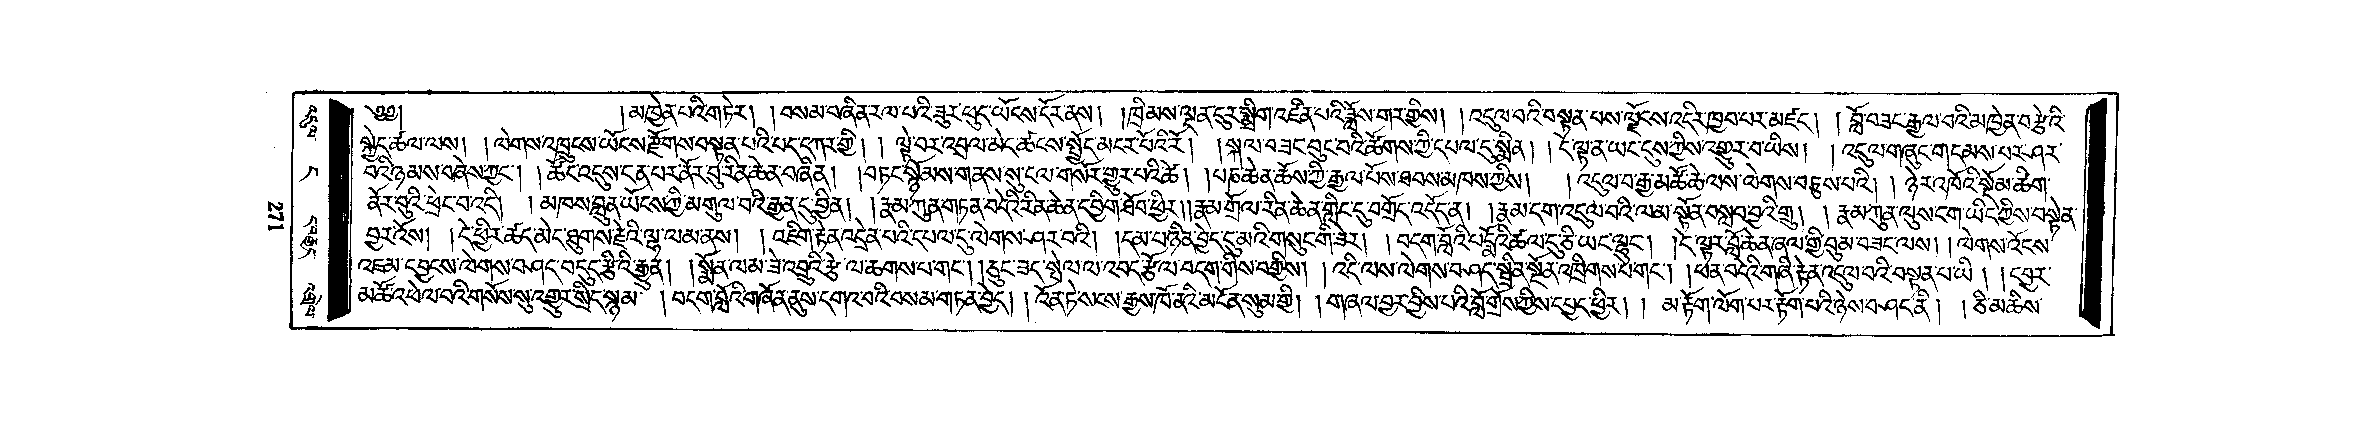༄༅། །མཁྱེན་པའི་གཏེར། །བསམ་བཞིན་རལ་པའི་ཟུར་ཕུད་ཡོངས་དོར་ནས། །ཁྲིམས་ལྡན་ངུར་སྨྲིག་འཛིན་པའི་ཟློས་གར་གྱིས། །འདུལ་བའི་བསྟན་པས་ལྗོངས་འདིར་ཁྱབ་པར་མཛད། །བློ་བཟང་རྒྱལ་བའི་མཁྱེན་བརྩེའི་
སྐྱེད་ཚལ་ལས། །ལེགས་འཁྲུངས་ཡོངས་རྫོགས་བསྟན་པའི་པད་དཀར་གྱི། །ལྟེ་བར་འབྲལ་མེད་ཚངས་སྤྱོད་མངར་པོའི་རོ། །སྐལ་བཟང་བུང་བའི་ཚོགས་ཀྱི་དཔལ་དུ་སྨིན། །དེ་ལྟ་ན་ཡང་དུས་ཀྱིས་འགྱུར་བ་ཡིས། །འདུལ་གཞུང་གདམས་པར་ཤར་
བའི་ཉམས་བཞེས་ཀྱང་། །ཚོང་འདུས་ངན་པར་ནོར་བུ་རིན་ཆེན་བཞིན། །བཏང་སྙོམས་གནས་སུ་ངལ་གསོར་གྱུར་པའི་ཚེ། །པཎ་ཆེན་ཆོས་ཀྱི་རྒྱལ་པོས་ཐབས་མཁས་ཀྱིས། །འདུལ་བ་རྒྱ་མཚོ་ཆེ་ལས་ལེགས་བཏུས་པའི། །ཉེར་འཁོའི་སྡོམ་ཚིག་
ནོར་བུའི་ཕྲེང་བ་འདི། །མཁས་བླུན་ཡོངས་ཀྱི་མགུལ་བའི་རྒྱན་དུ་བྱིན། །རྣམ་ཀུན་གཏན་བདེའི་རིན་ཆེན་དབྱིག་ཐོབ་ཕྱིར། །རྣམ་གྲོལ་རིན་ཆེན་གླིང་དུ་བགྲོད་འདོད་ན། །རྣམ་དག་འདུལ་བའི་ལམ་སྟོན་བསླབ་བྱའི་གྲུ། །རྣམ་ཀུན་ལུས་ངག་ཡིད་ཀྱིས་བསྟེན་
བྱར་འོས། །དེ་ཕྱིར་ཚད་མེད་ཐུགས་རྗེའི་ལྷ་ལམ་ནས། །འཇིག་རྟེན་འདྲེན་པའི་དཔལ་དུ་ལེགས་ཤར་བའི། །དམ་པ་ཉིན་བྱེད་དུ་མའི་གསུང་གི་ཟེར། །བདག་བློའི་པདམོའི་ཚལ་དུ་ཅི་ཡང་ལྷུང་། །དེ་ལྟར་བློ་ཆེན་ཞལ་གྱི་བུམ་བཟང་ལས། །ལེགས་འོངས་
འཇམ་དབྱངས་ལེགས་བཤད་བདུད་རྩིའི་རྒྱུན། །སྨོན་ལམ་ཟེ་འབྲུའི་རྩེ་ལ་ཆགས་པ་གང་། །ཅུང་ཟད་སྤེལ་ལ་འབད་རྩོལ་བདག་གིས་བགྱིས། །འདི་ལས་ལེགས་བཤད་སྤྲིན་སྔོན་འཁྲིགས་པ་གང་། །ཕན་བདེའི་གཞི་རྟེན་འདུལ་བའི་བསྟན་པ་ཡི། །དབྱར་
མཚོ་འཕེལ་བའི་གསོས་སུ་འགྱུར་སྲིད་སྙམ། བདག་བློའི་གཞོན་ནུས་དགའ་བའི་བསམ་གཏན་བྱེད། །འོན་ཏེ་སངས་རྒྱས་ཁོ་ནའི་མངོན་སུམ་གྱི། །གཞལ་བྱར་བྱིས་པའི་བློ་གྲོས་ཀྱིས་དཔྱད་ཕྱིར། །མ་རྟོག་ལོག་པར་རྟོག་པའི་ཉེས་བཤད་ནི། །ཅི་མཆིས་